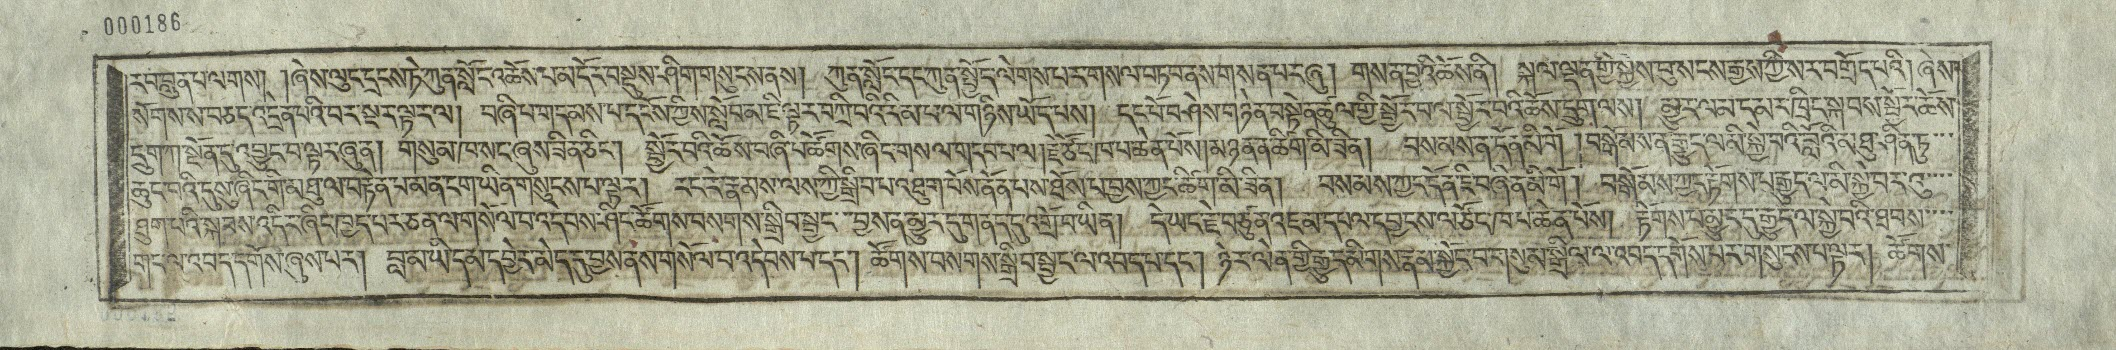རབ་བླུན་པ་ལགས། །ཞེས་ལུང་དྲངས་ཏེ་ཀུན་སློང་འཆོས་པ་མདོར་བསྡུས་ཤིག་གསུངས་ནས། ཀུན་སློང་དང་ཀུན་སྤྱོད་ལེགས་པར་གསལ་བཏབ་ནས་གསན་པར་ཞུ། གསན་བྱའི་ཆོས་ནི། སྐལ་ལྡན་གྱི་སྐྱེས་བུ་སངས་རྒྱས་ཀྱི་སར་བགྲོད་པའི། ཞེས་
སོགས་ས་བཅད་འདྲེན་པའི་བར་སྔར་ལྟར་ལ། བཞི་པ་གདམས་པ་དངོས་ཀྱིས་སློབ་མ་ཇི་ལྟར་བཀྲི་བའི་རིམ་པ་ལ་གཉིས་ཡོད་པས། དང་པོ་བཤེས་གཉེན་བསྟེན་ཚུལ་གྱི་སྦྱོར་བ་ལ་སྦྱོར་བའི་ཆོས་དྲུག་ལས། མྱུར་ལམ་དམར་ཁྲིད་སྐབས་སྦྱོར་ཆོས་
དྲུག་ཀ་སྔོན་དུ་འབྱུང་བ་ལྟར་ཞུ་ན། གསུམ་ཁ་སང་ཞུས་ཟིན་ཅིང་། སྦྱོར་བའི་ཆོས་བཞི་པ་ཚོགས་ཞིང་གསལ་གདབ་པ་ལ། རྗེ་ཙོང་ཁ་པ་ཆེན་པོས། མཉན་ན་ཚིག་མི་ཟིན། བསམས་ན་དོན་མི་གོ །བསྒོམས་ན་རྒྱུད་ལ་མི་སྐྱེ་བའི་བློའི་མཐུ་ཤིན་ཏུ་
ཆུང་བའི་དུས་སུ་ཞིང་གི་མཐུ་ལ་བརྟེན་པ་མན་ངག་ཡིན་གསུངས་པ་ལྟར། རང་རེ་རྣམས་ལས་ཀྱི་སྒྲིབ་པ་འཐུག་པོས་ནོན་པས་ཐོས་པ་བྱས་ཀྱང་ཚིག་མི་ཟིན། བསམས་ཀྱང་དོན་ཇི་བཞིན་མི་གོ །བསྒོམས་ཀྱང་རྟོགས་པ་རྒྱུད་ལ་མི་སྐྱེ་བར་འུ་
ཐུག་པའི་སྐབས་འདིར་ཞིང་ཁྱད་པར་ཅན་ལ་གསོལ་བ་འདེབས་ཤིང་ཚོགས་བསགས་སྒྲིབ་སྦྱང་བྱས་ན་མྱུར་དུ་གནད་དུ་འགྲོ་བ་ཡིན། དེ་ཡང་རྗེ་བཙུན་འཇམ་དཔལ་དབྱངས་ལ་ཙོང་ཁ་པ་ཆེན་པོས། རྟོགས་པ་མྱུར་དུ་རྒྱུད་ལ་སྐྱེ་བའི་ཐབས་
གང་ལ་འབད་དགོས་ཞུས་པར། བླ་མ་ཡི་དམ་དབྱེར་མེད་དུ་བྱས་ནས་གསོལ་བ་འདེབས་པ་དང་། ཚོགས་བསགས་སྒྲིབ་སྦྱང་ལ་འབད་པ་དང་། ཉེར་ལེན་གྱི་རྒྱུ་དམིགས་རྣམ་སྐྱོང་བ་གསུམ་སྒྲིལ་ལ་འབད་དགོས་པར་གསུངས་པ་ལྟར། ཚོགས་